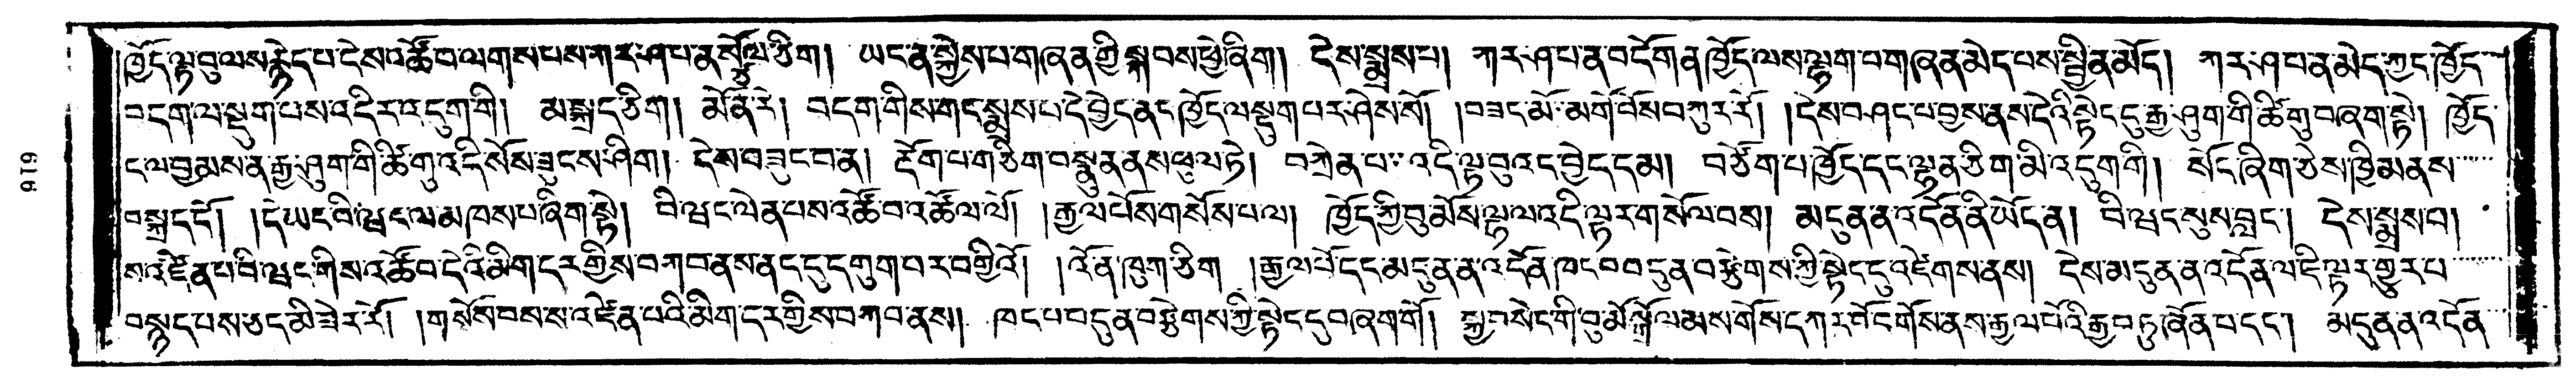ཁྱོད་ལྟ་བུ་ལས་རྙེད་པ་དེས་འཚོ་བ་ལགས་པས་ཀར་ཤ་པ་ན་སྩོལ་ཅིག། ཡང་ན་སྐྱེས་པ་གཞན་གྱི་སྐབས་ཕྱེ་ཞིག། དེས་སྨྲས་པ། ཀར་ཤ་པ་ན་བདོག་ན་ཁྱོད་ལས་ལྷག་པ་གཞན་མེད་པས་སྦྱིན་མོད། ཀར་ཤ་པ་ན་མེད་ཀྱང་ཁྱོད་
བདག་ལ་སྡུག་པས་འདིར་འདུག་གི། མ་སྐྲད་ཅིག། མོ་ན་རེ། བདག་གིས་གང་སྨྲས་པ་དེ་བྱེད་ན་ང་ཁྱོད་ལ་སྡུག་པར་ཤེས་སོ། །བཟང་མོ་མགོ་བོས་བཀུར་རོ། །དེས་བཤང་པ་བྱས་ནས་དེའི་སྟེང་དུ་རྒྱ་ཤུག་གི་ཚི་གུ་བཞག་སྟེ། ཁྱོད་
ང་ལ་བྱམས་ན་རྒྱ་ཤུག་གི་ཚི་གུ་འདི་སོས་ཟུངས་ཤིག། དེས་བཟུང་བ་ན། རྡོག་པ་གཅིག་བསྣུན་ནས་ཕུལ་ཏེ། བཀྲེན་པ་འདི་ལྟ་བུའང་བྱེད་དམ། བཙོག་པ་ཁྱོད་དང་ལྷན་ཅིག་མི་འདུག་གི། སོང་ཞིག་ཅེས་ཁྱིམ་ནས་
བསྐྲད་དོ། །དེ་ཡང་བི་ཝང་ལ་མཁས་པ་ཞིག་སྟེ། བི་ཝང་ལེན་པས་འཚོ་བ་འཚོལ་ལོ། །རྒྱལ་པོས་གསོས་པ་ལ། ཁྱོད་ཀྱི་བུ་མོས་ལྷ་ལ་འདི་ལྟར་གསོལ་བས། མདུན་ན་འདོན་ནི་ཡོད་ན། བི་ཝང་སུས་བླང་། དེས་སྨྲས་པ།
ས་འཛིན་པ་བི་ཝང་གིས་འཚོབ་དེའི་མིག་དར་གྱིས་བཀབ་ནས་ནང་དུ་དགུག་པར་བགྱིའོ། །འོ་ན་ཁུག་ཅིག །རྒྱལ་པོ་དང་མདུན་ན་འདོན་ཁང་བ་བདུན་བརྩེགས་ཀྱི་སྟེང་དུ་འཛེགས་ནས། དེས་མདུན་ན་འདོན་ལ་ཇི་ལྟར་གྱུར་པ་
བསྙད་པས་ཅད་མི་ཟེར་རོ། །གསོས་བས་ས་འཛིན་པའི་མིག་དར་གྱིས་བཀབ་ནས། ཁང་པ་བདུན་བརྩེགས་ཀྱི་སྟེང་དུ་བཞག་གོ། སྐྱབ་སེང་གི་བུ་མོ་སྒྲོལ་མས་གོས་དཀར་བོ་དགོས་ནས་རྒྱལ་པོའི་རྒྱབ་ཏུ་ཞོན་པ་དང་། མདུན་ན་འདོན་